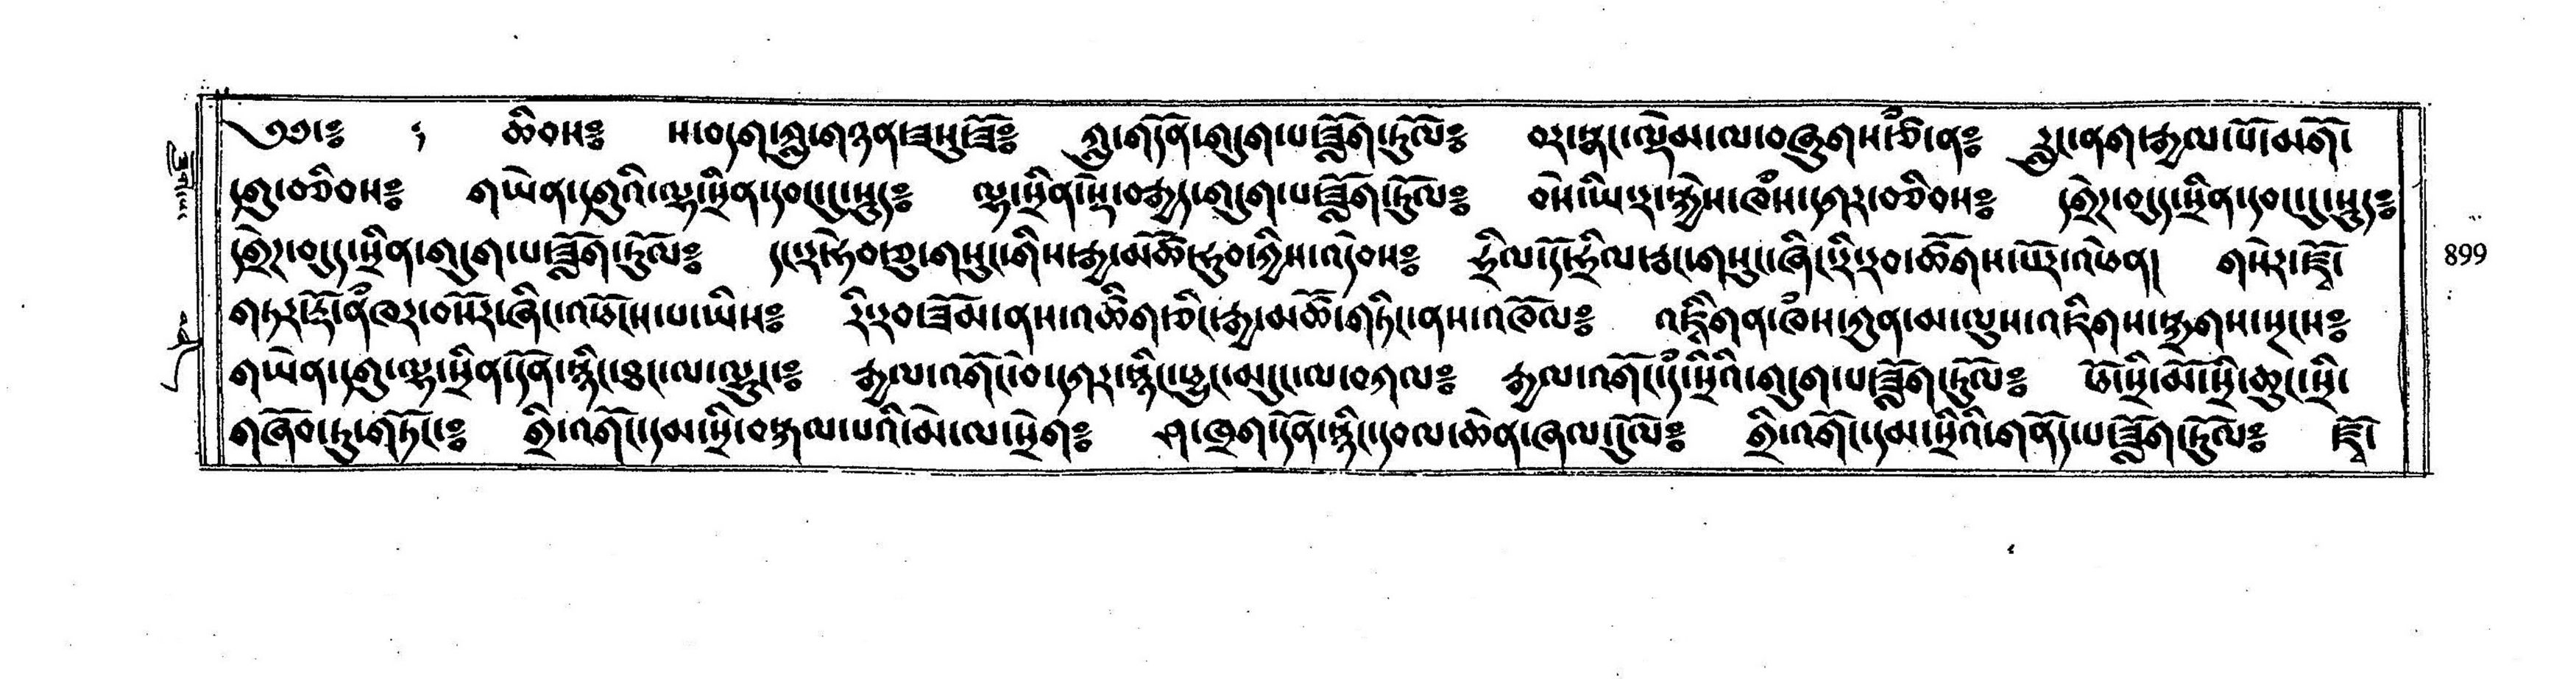ཆིབས༔ ས་བདག་ཀླུ་གཉན་ཟསུ་ཟོ༔ ཀླུ་གདོན་གདུག་པ་ཟློག་ཏུ་གསོལ༔ བར་སྣང་ལྡེམ་ལ་བཞུགས་ཙམ་ན༔ རླུང་ནག་རྒྱལ་པོ་མགོ་
དགུ་བཅིབས༔ གཡེན་དགུའི་ལྷ་སྲིན་དབང་དུ་སྡུད༔ ལྷ་སྲིན་སྡེ་བརྒྱད་གདུག་པ་ཟློག་ཏུ་གསོལ༔ བསེ་ཡི་ར་སྐྱེས་ཁམས་དཀར་བཅིབས༔ དགྲ་བགེགས་བདུད་སྲིན་དབང་དུ་སྡུད༔ 
དགྲ་བགེགས་བདུད་སྲིན་གདུག་པ་ཟློག་ཏུ་གསོལ༔ དང་ར་ཧེབ་ཅུ་གསུང་གིས་རྒྱ་མཚོ་ཧུབ་ཀྱིས་འདེབས༔ ཧྲིལ་དོ་ཧྲིལ་རྦང་གསུང་ཞིང་རི་རབ་ཚོགས་པོར་འཕེན། གསེར་ཛྭོ་
གཏར་རྡོ་ནམ་མཁར་བསོར་ཞིང་འཕོངས་པ་ཡིས༔ རི་རབ་ཟོམ་ནས་འཚིག་ཅིང་རྒྱ་མཚོ་གཏིང་ནས་འཁོལ༔ འཇིག་རྟེན་ཁམས་ཀུན་མ་ལུས་འཇིགས་སྐྲགས་སྔངས༔ 
གཡེན་དགུ་ལྷ་སྲིན་དོན་སྙིང་ཐང་ལ་ལྷུང་༔ རྒྱལ་འགོང་བེ་དཀར་སྙིང་ཕྱུང་མདུང་ལ་བཀལ༔ རྒྱལ་འགོང་དམ་སྲིའི་གདུག་པ་ཟློག་ཏུ་གསོལ༔ ཕོ་སྲི་མོ་སྲི་ཆུང་སྲི་
གཞོབ་ཏུ་གཏོང་༔ གྲི་འགོང་དམ་སྲི་བསྐལ་པའི་མེ་ལ་སྲེག༔ ཤ་ཁྲག་དོན་སྙིང་དབལ་ཆེན་ཞལ་དུ་གསོལ༔ གྲི་འགོང་དམ་སྲིའི་གནོད་པ་ཟློག་ཏུ་གསོལ༔ ཛྭོ་